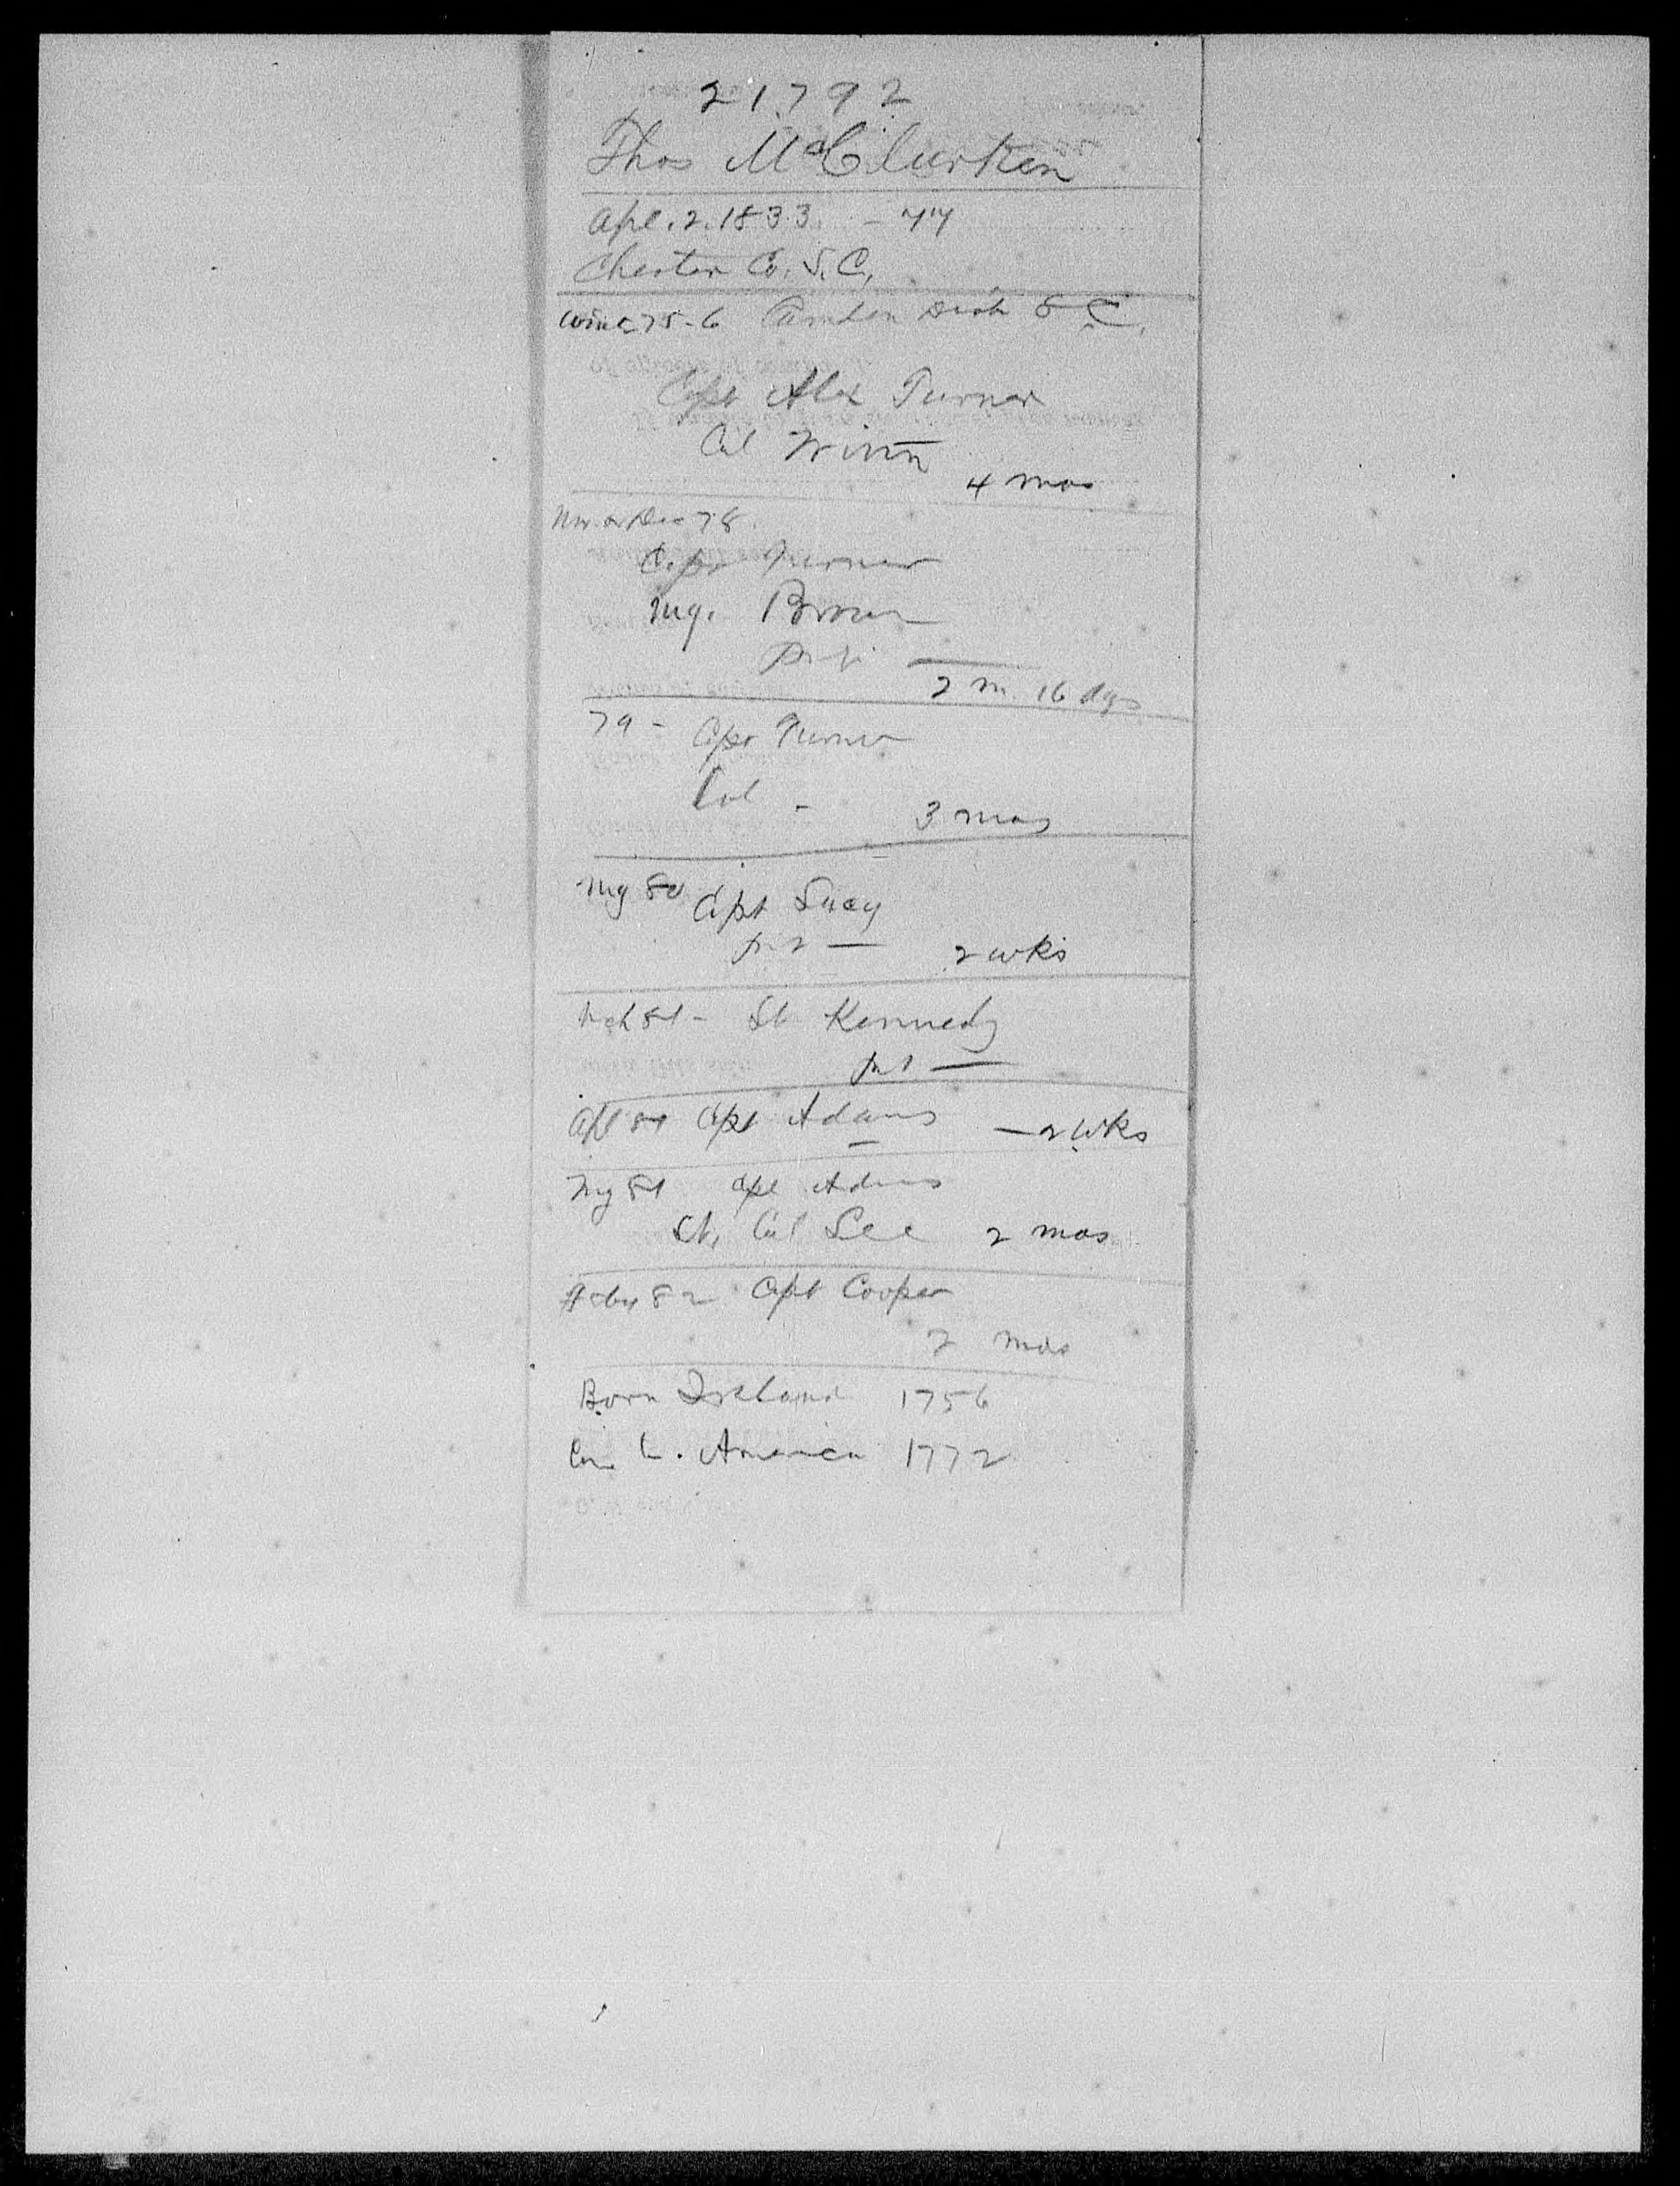21792 
Thos McClurken , 

April 2, 1833- 77
Chester Co. S.C.-

Winter 75-6 Camden District. S.C.
Capt. Alex Turner 
Col. Winn 
4 mos.

Nov. or Dec. 78
Capt. Turner
[unintelligible]
Paid
2 mos. 16 days

79- capt. Turner
Col. 
3 mos.

My 80 
Capt Lucy
priv - 2 weeks

Mch 81 Lt. Kennedy
m1

Apl 81 Capt. Adams
2 weeks

My 81 Capt. Adams
Lt. [unintelligible] Lee 2 mos

[unintelligible] 82 Capt. Cooper
2 mos

Born Inland 1756
[unintelligible] America 1772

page: 84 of 93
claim: widow's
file: W. 21792, for Thomas Mc Clurken, South Carolina